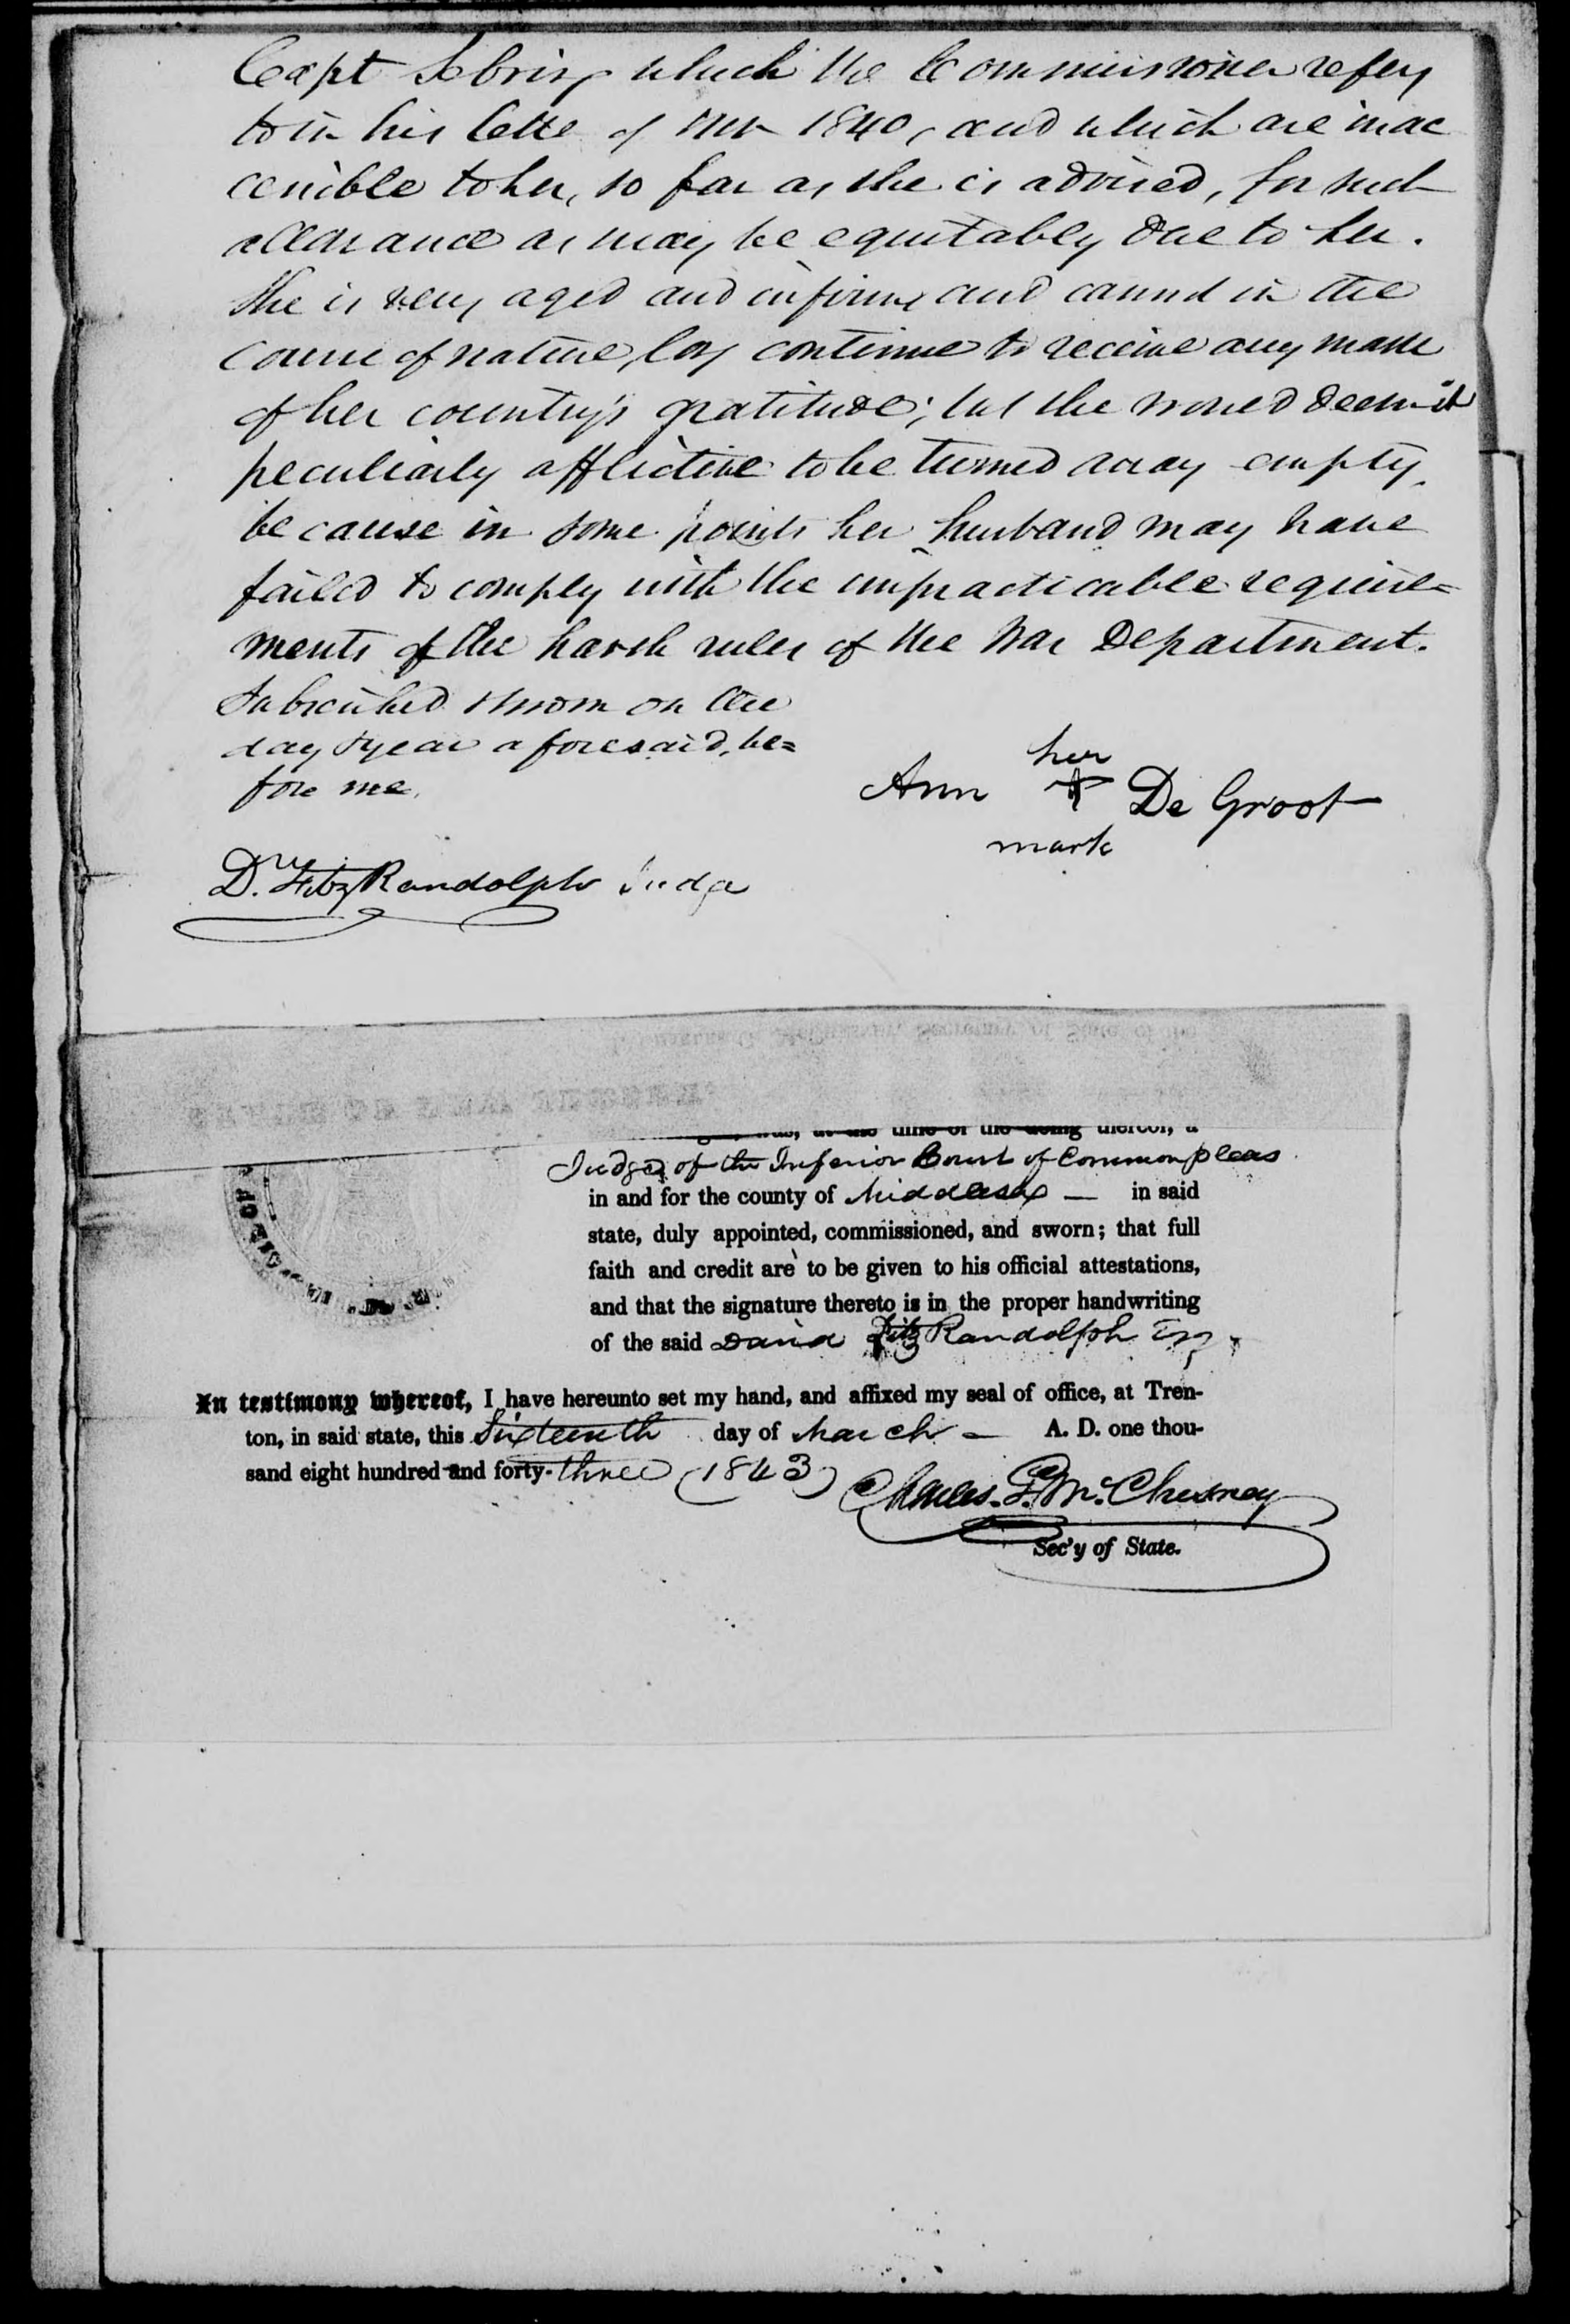Capt Sebring which the Commissioner refers
to in his letter of Nov 1840, and which are inaccessible to her, so far as she is advised, for such allowance as may be equitably due to her.
She is very aged and infirm and cannot in the
course of nature long continue to receive any make of her country's gratitude; but she would deem it peculiarly afflictive to be turned my empty, because in some points her husband may have failed to comply with the impracticable requirements of the harsh rules of the War Department.
        her
Ann   X   DeGroot
       mark

Subscribed & Sworn on the
day & year aforesaid, before me
D. Fitz Randolph Judge

[top cut off; seal affixed at left]
Judge of the Inferior Court of Common Pleas
in and for the county of Middlesex in said
state, duly appointed, commissioned and sworn; that full faith and credit are to be given to his official attestations, and that the signature thereto is in the proper handwriting
of the said David Fitz Randolph Esq.

In testimony whereof, I have hereunto set my hand, and affixed my seal of office, at Trenton, in said state, this sixteenth day of March A.D. one thousand eight hundred and forty-three (1843) 
Charles G. McChesney
Secy of State.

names: Sebring, Ann De Groot, Charles G Mc Chesney, David Fitz Randolph, D Fitz Randolph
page: 65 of 77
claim: widow's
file: W. 417, William De Groot, New Jersey